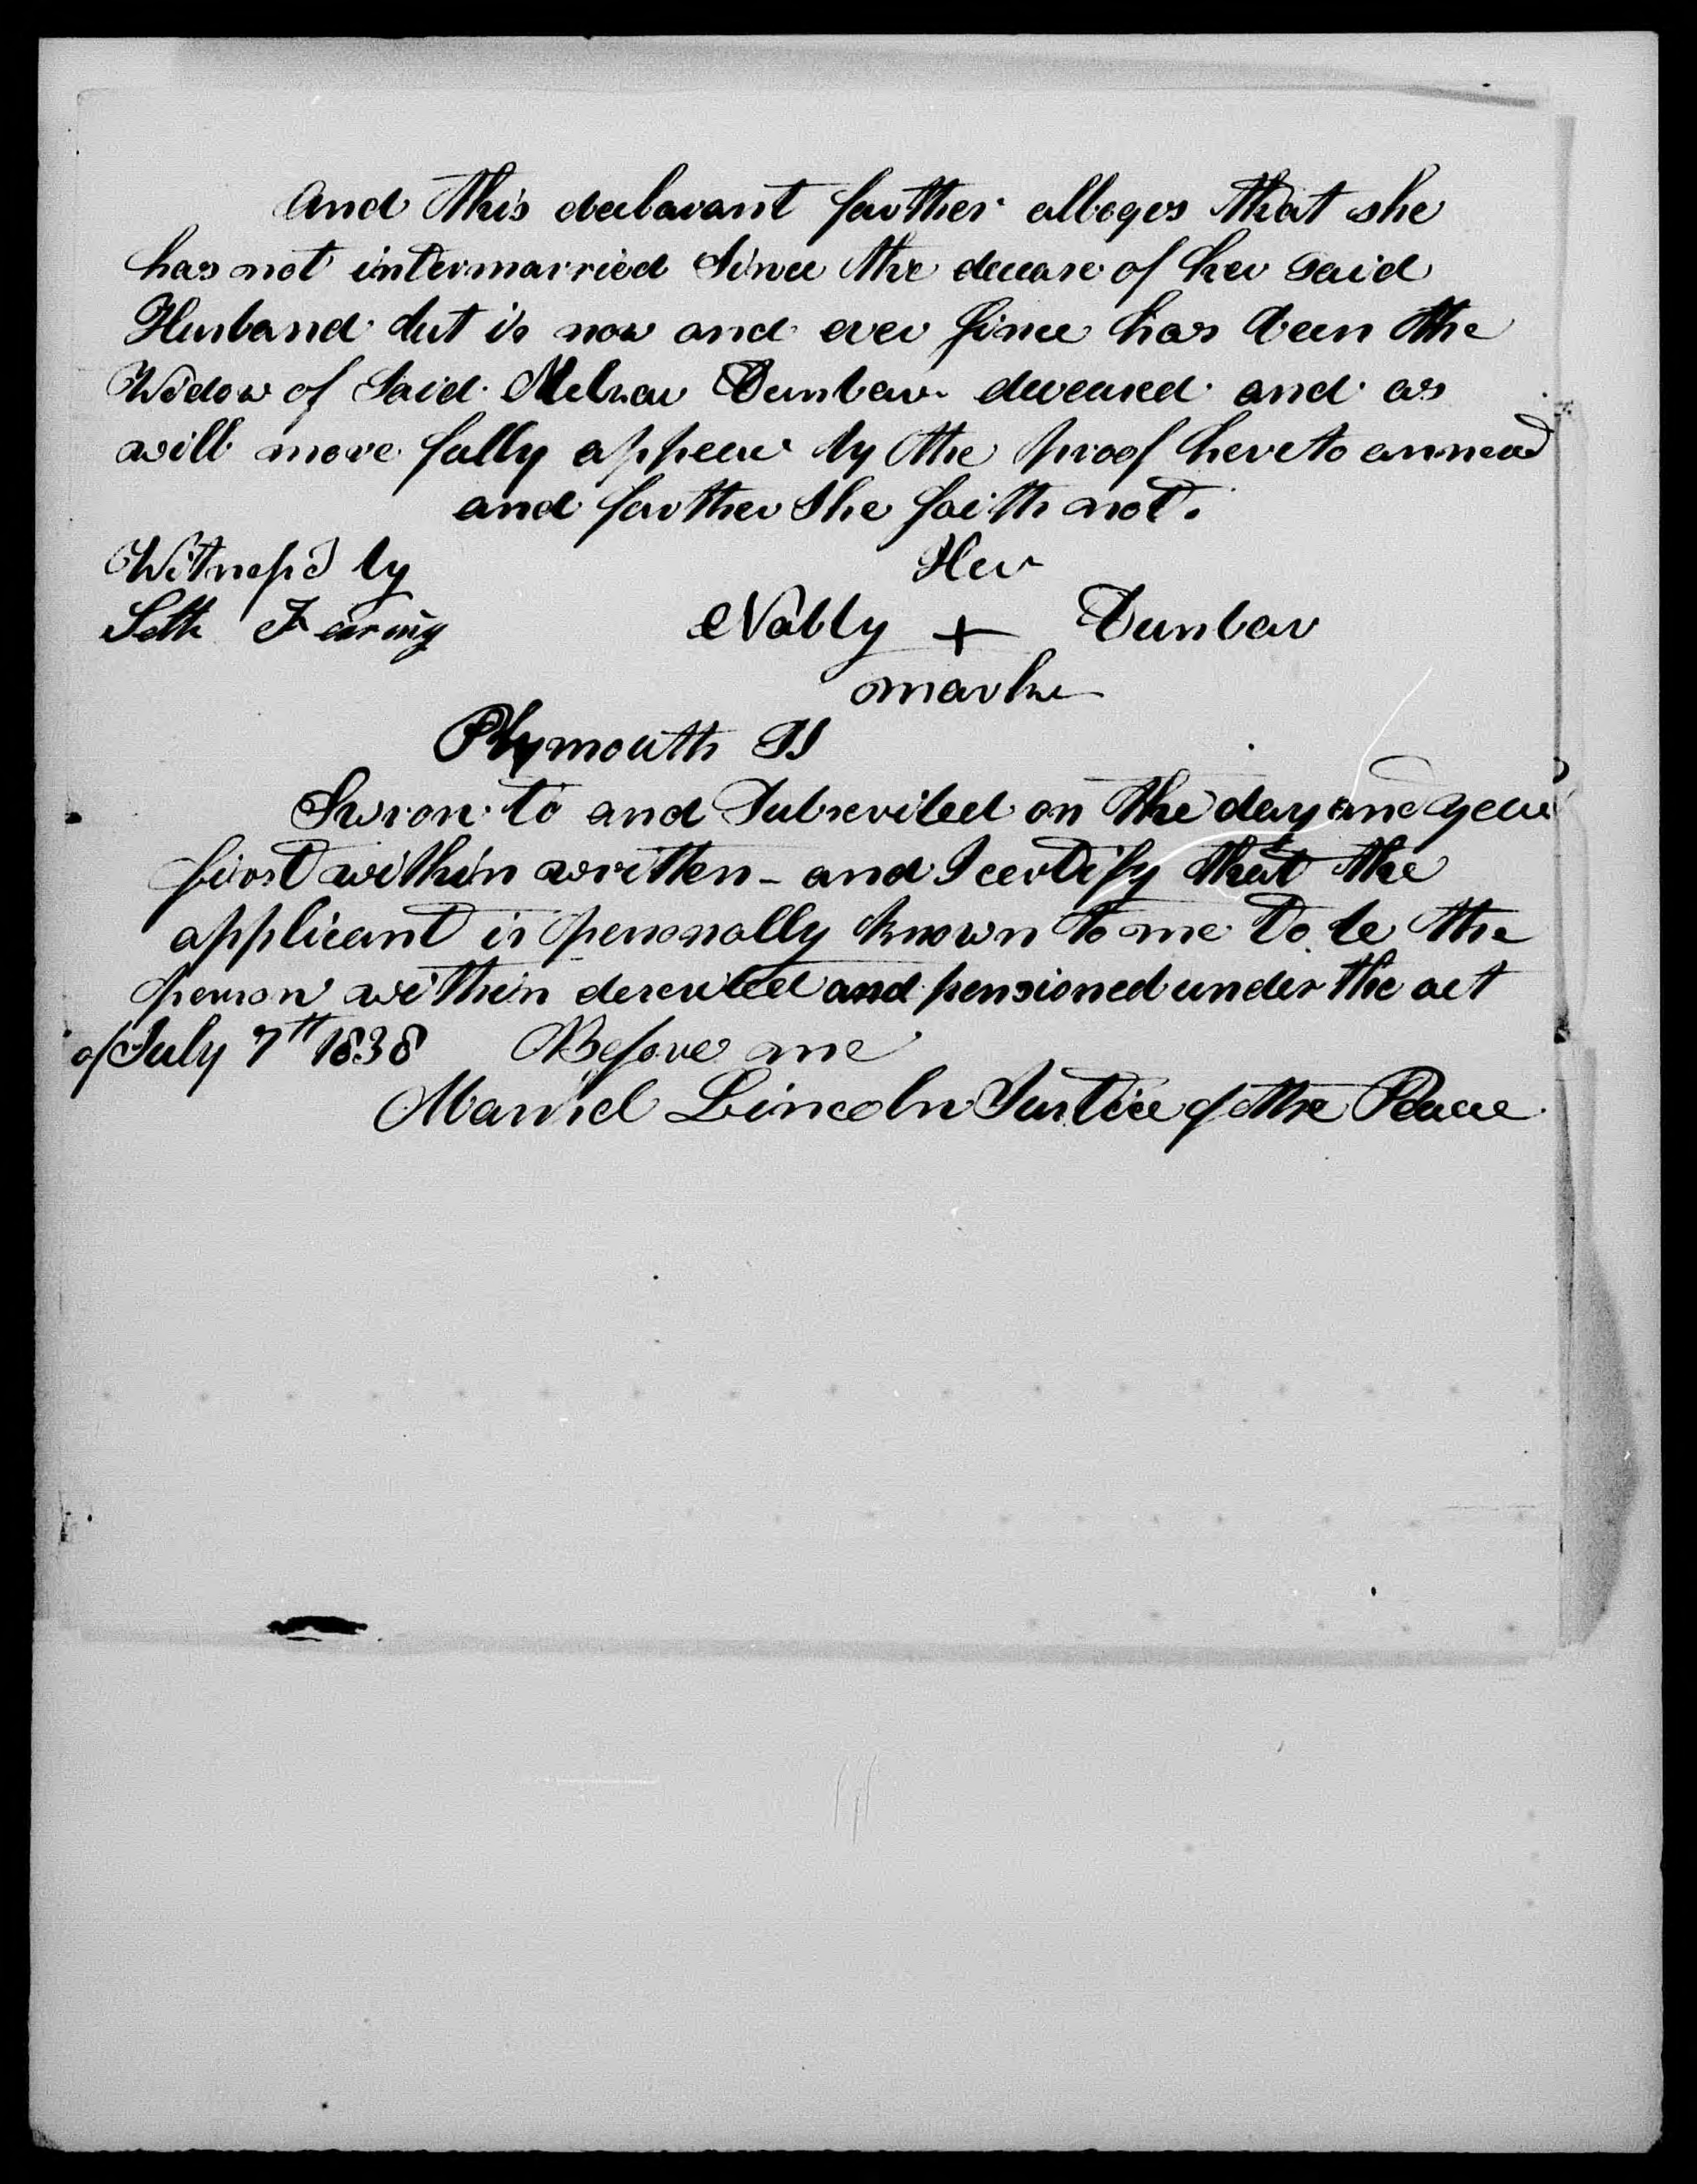And this declarant further alleges that she has not intermarried since the death of her said husband but is now and ever since the has been the widow of said Melzar Dunbar deceased and as will more fully appear by the proof hereto annexed and further saith not.

Nabby Dunbar  her x mark

Witnessed by 
Seth Ferring

Plymouth ss.

Sworn to and subscribed on the day and year first within written  - and I certify that the applicant is personally known to me. Do be the pension within deserved and pensioned under the act of July 7th 1838.

Before me

Marriel Lincoln Justice of the Peace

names: Seth Ferring, Melzar Dunbar, Nabby Dunbar, Marriel Lincoln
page: 18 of 26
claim: widow's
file: W. 14657, Melzar Dunbar, Mass.